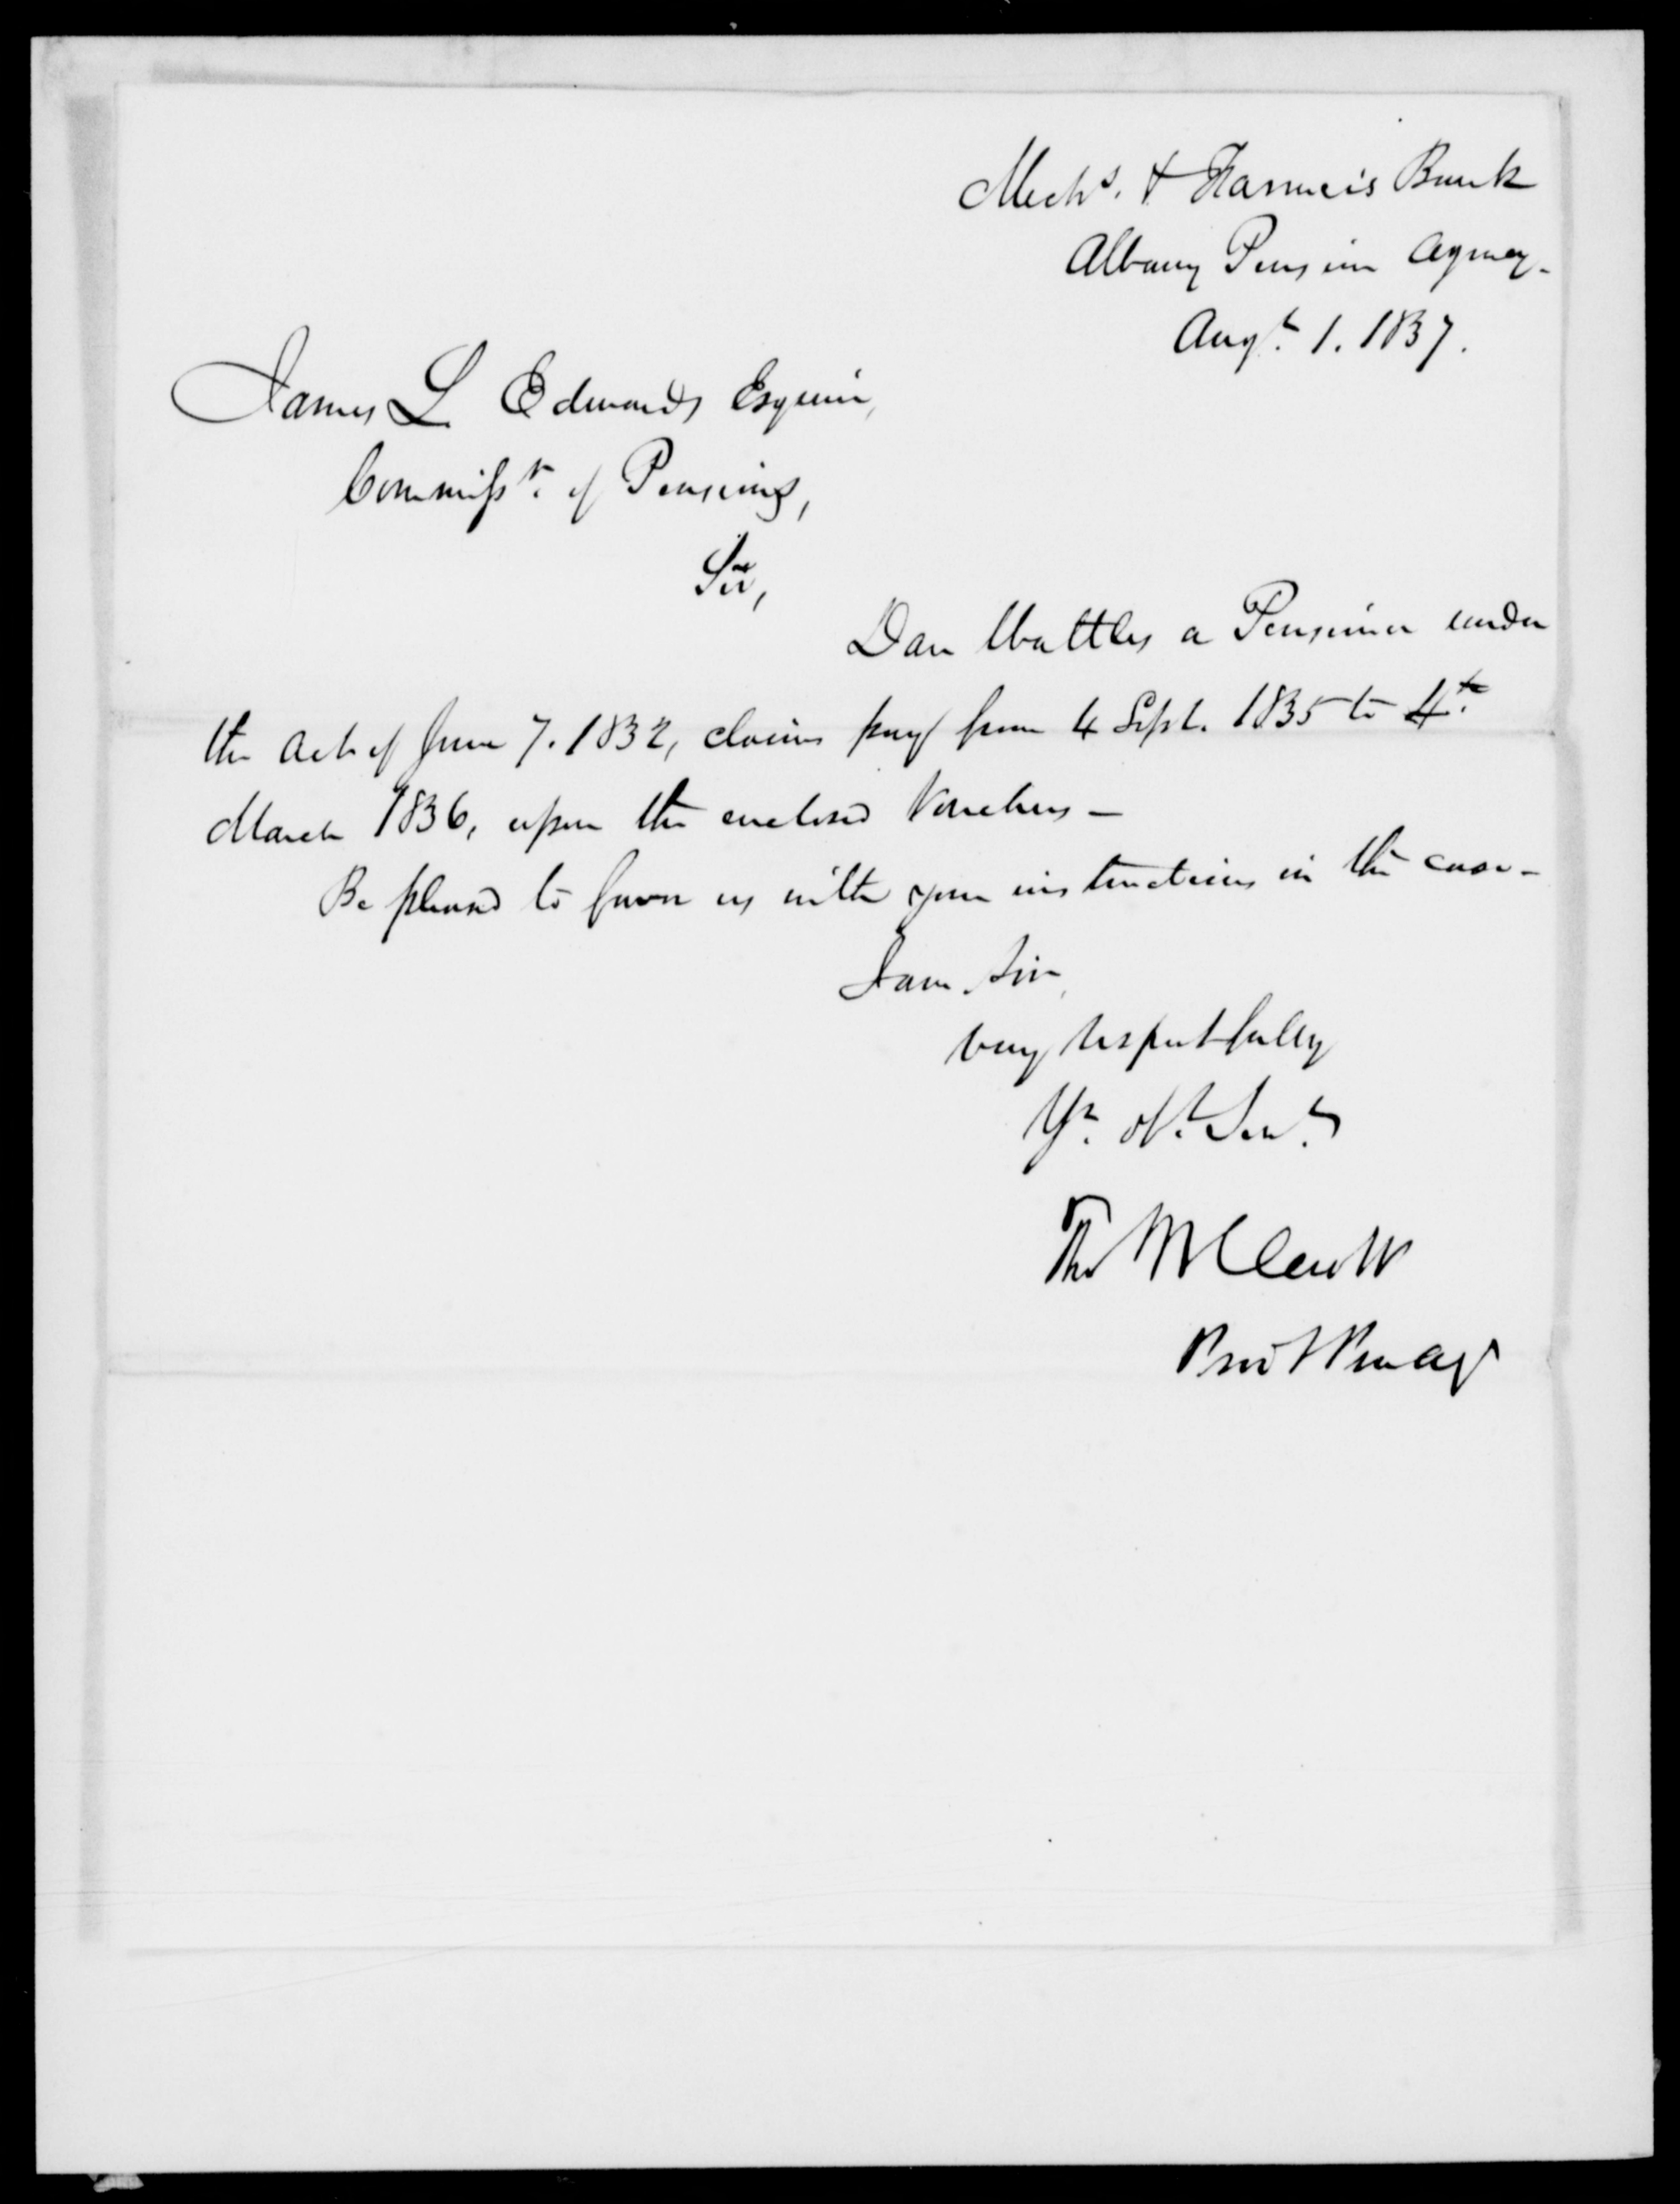Mershs. & Farmers Bank
Albany Pension Agent
Aug. 1, 1837.

James L Edwards  Esquire.
Commissioner of Pensions.

Sir, 

Dan Wattles a Pensioner under the act of June 7, 1832, claims pay from 4 Sept 1835 to 4th March 1836, upon the enclosed Vouchers.
Be pleased to favor us with your instructions in this case.

I am, Sir,
Very respectfully 
Yr. Ob. Servt.
Tho W Olcott
Pen. Manager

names: James L Edwards, Tho W Olcott, Dan Wattles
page: 38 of 70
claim: widow's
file: W. 3743, Dan Wattles, Conn.